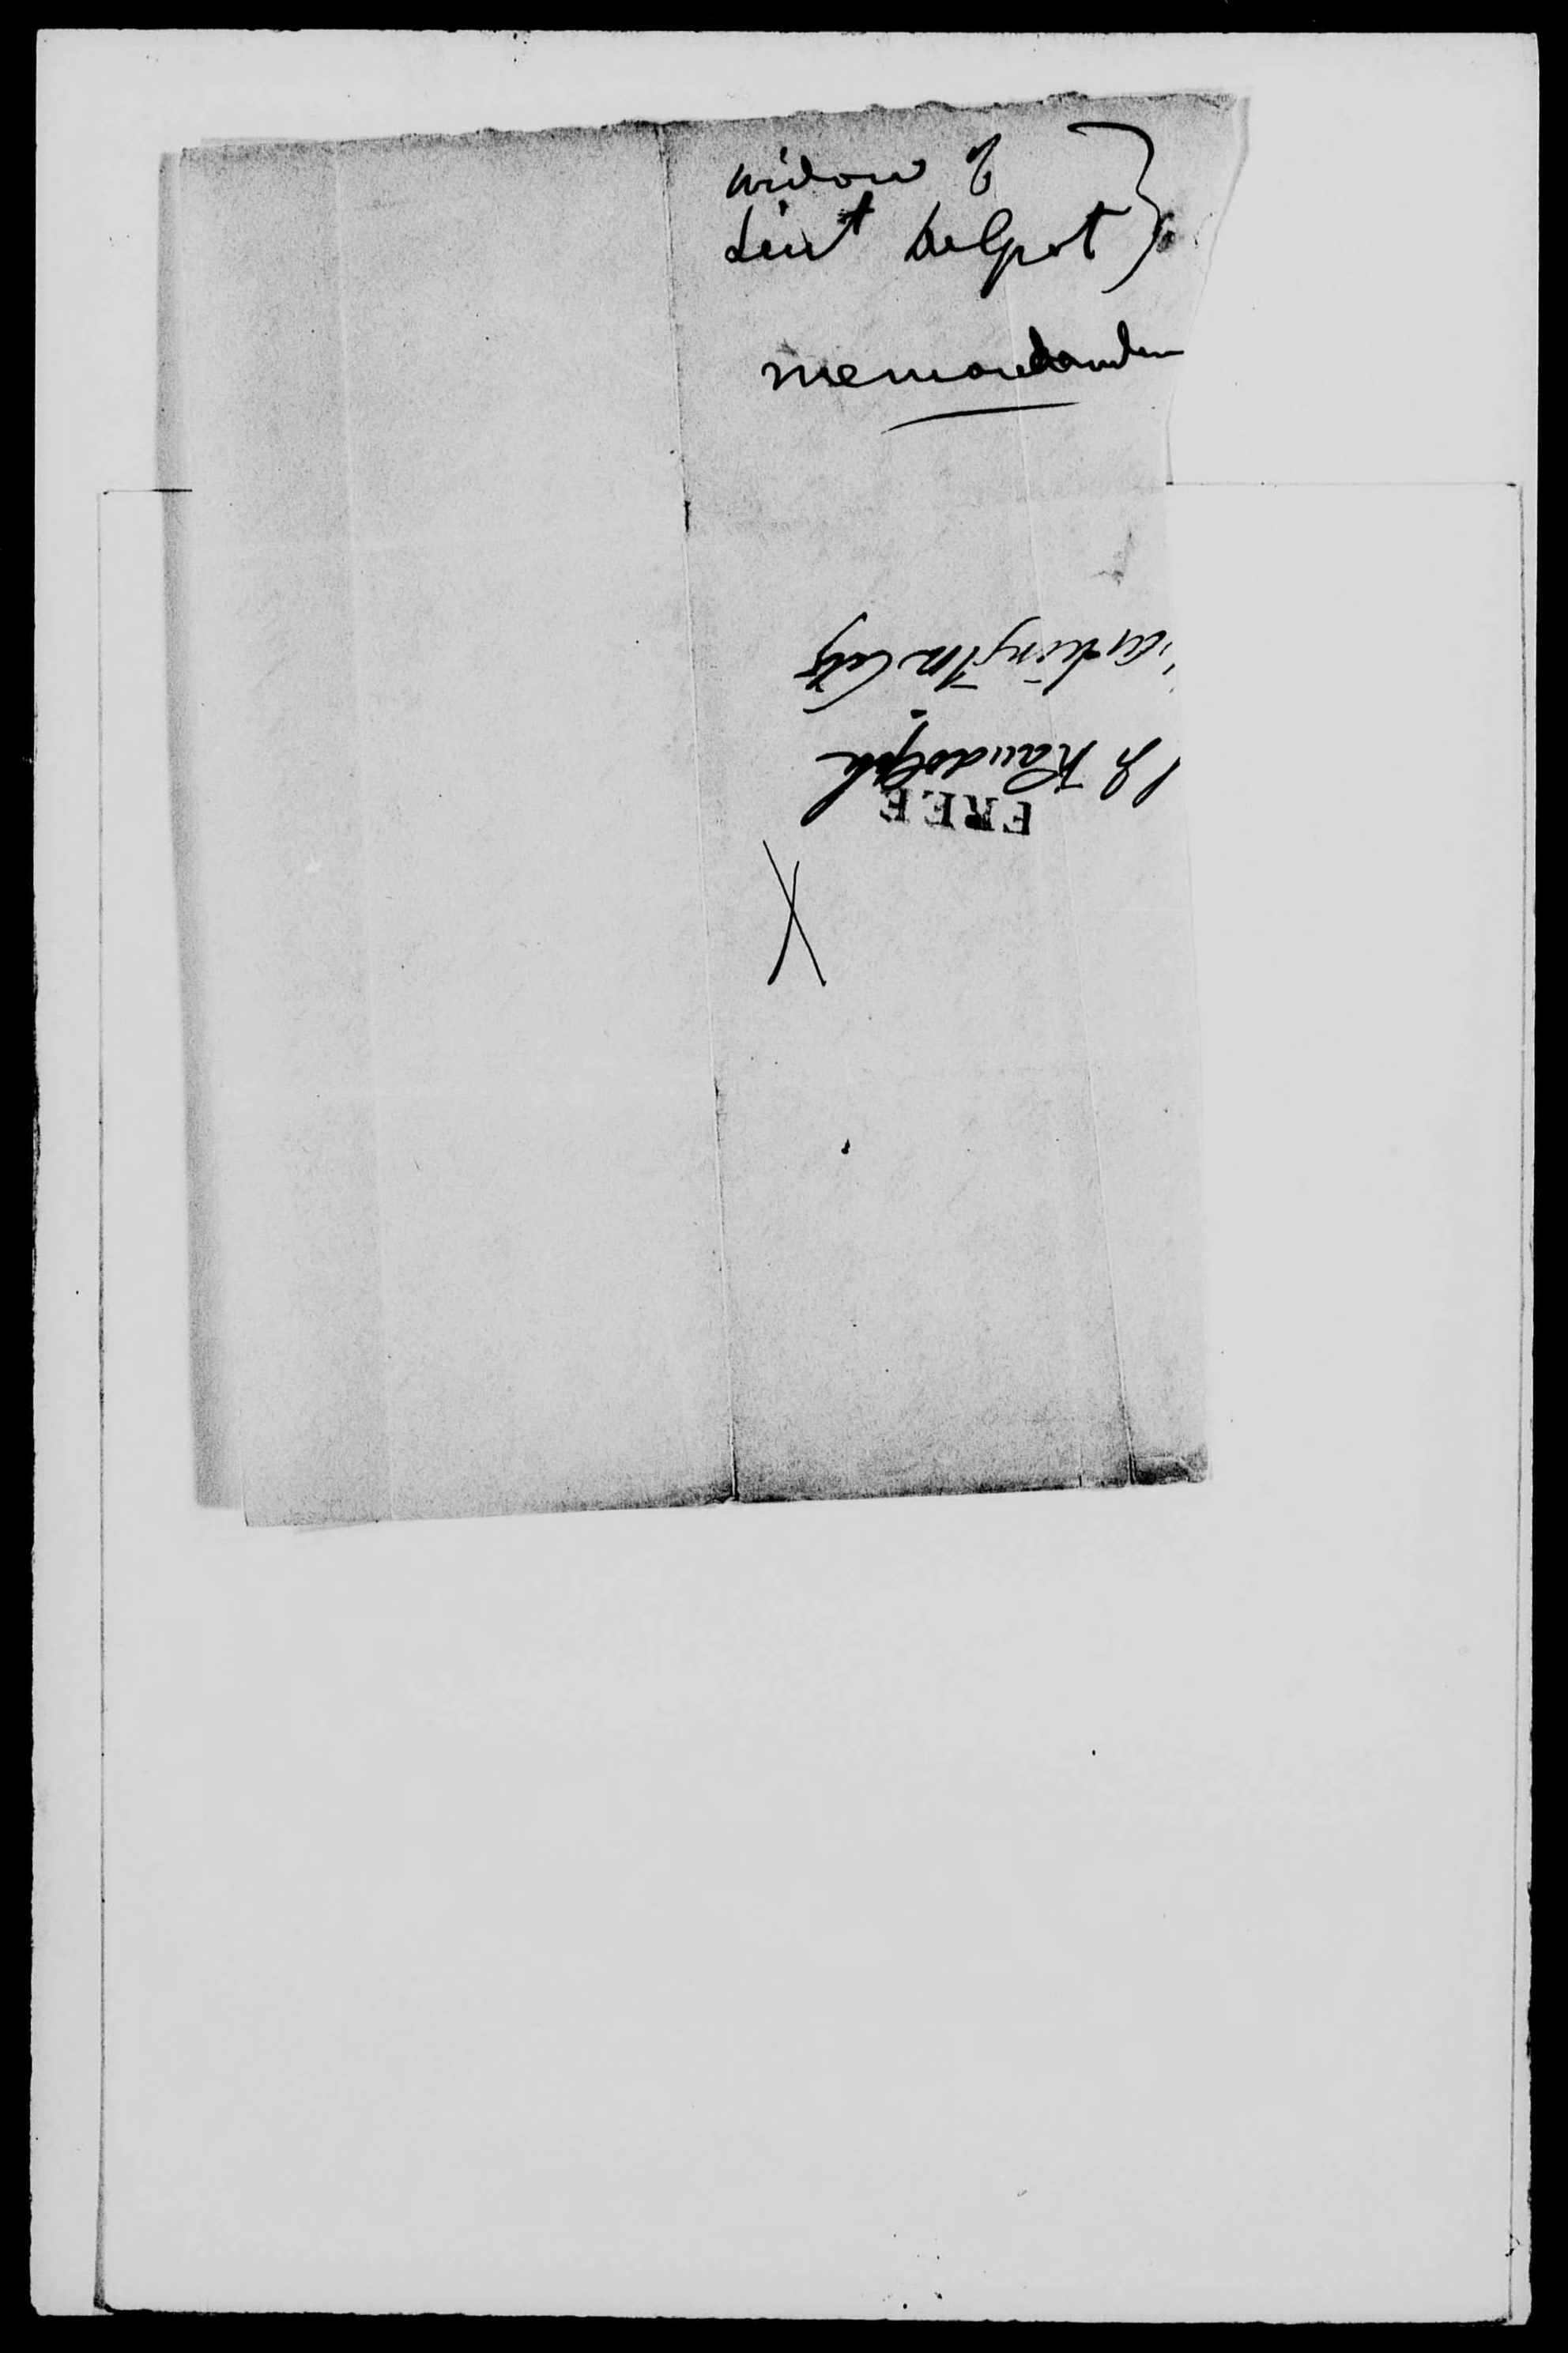widow of Lieut Degroot
memorandum
FREE
J J Randolph
Washington City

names: J F Randolph, De Grot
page: 18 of 77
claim: widow's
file: W. 417, William De Groot, New Jersey